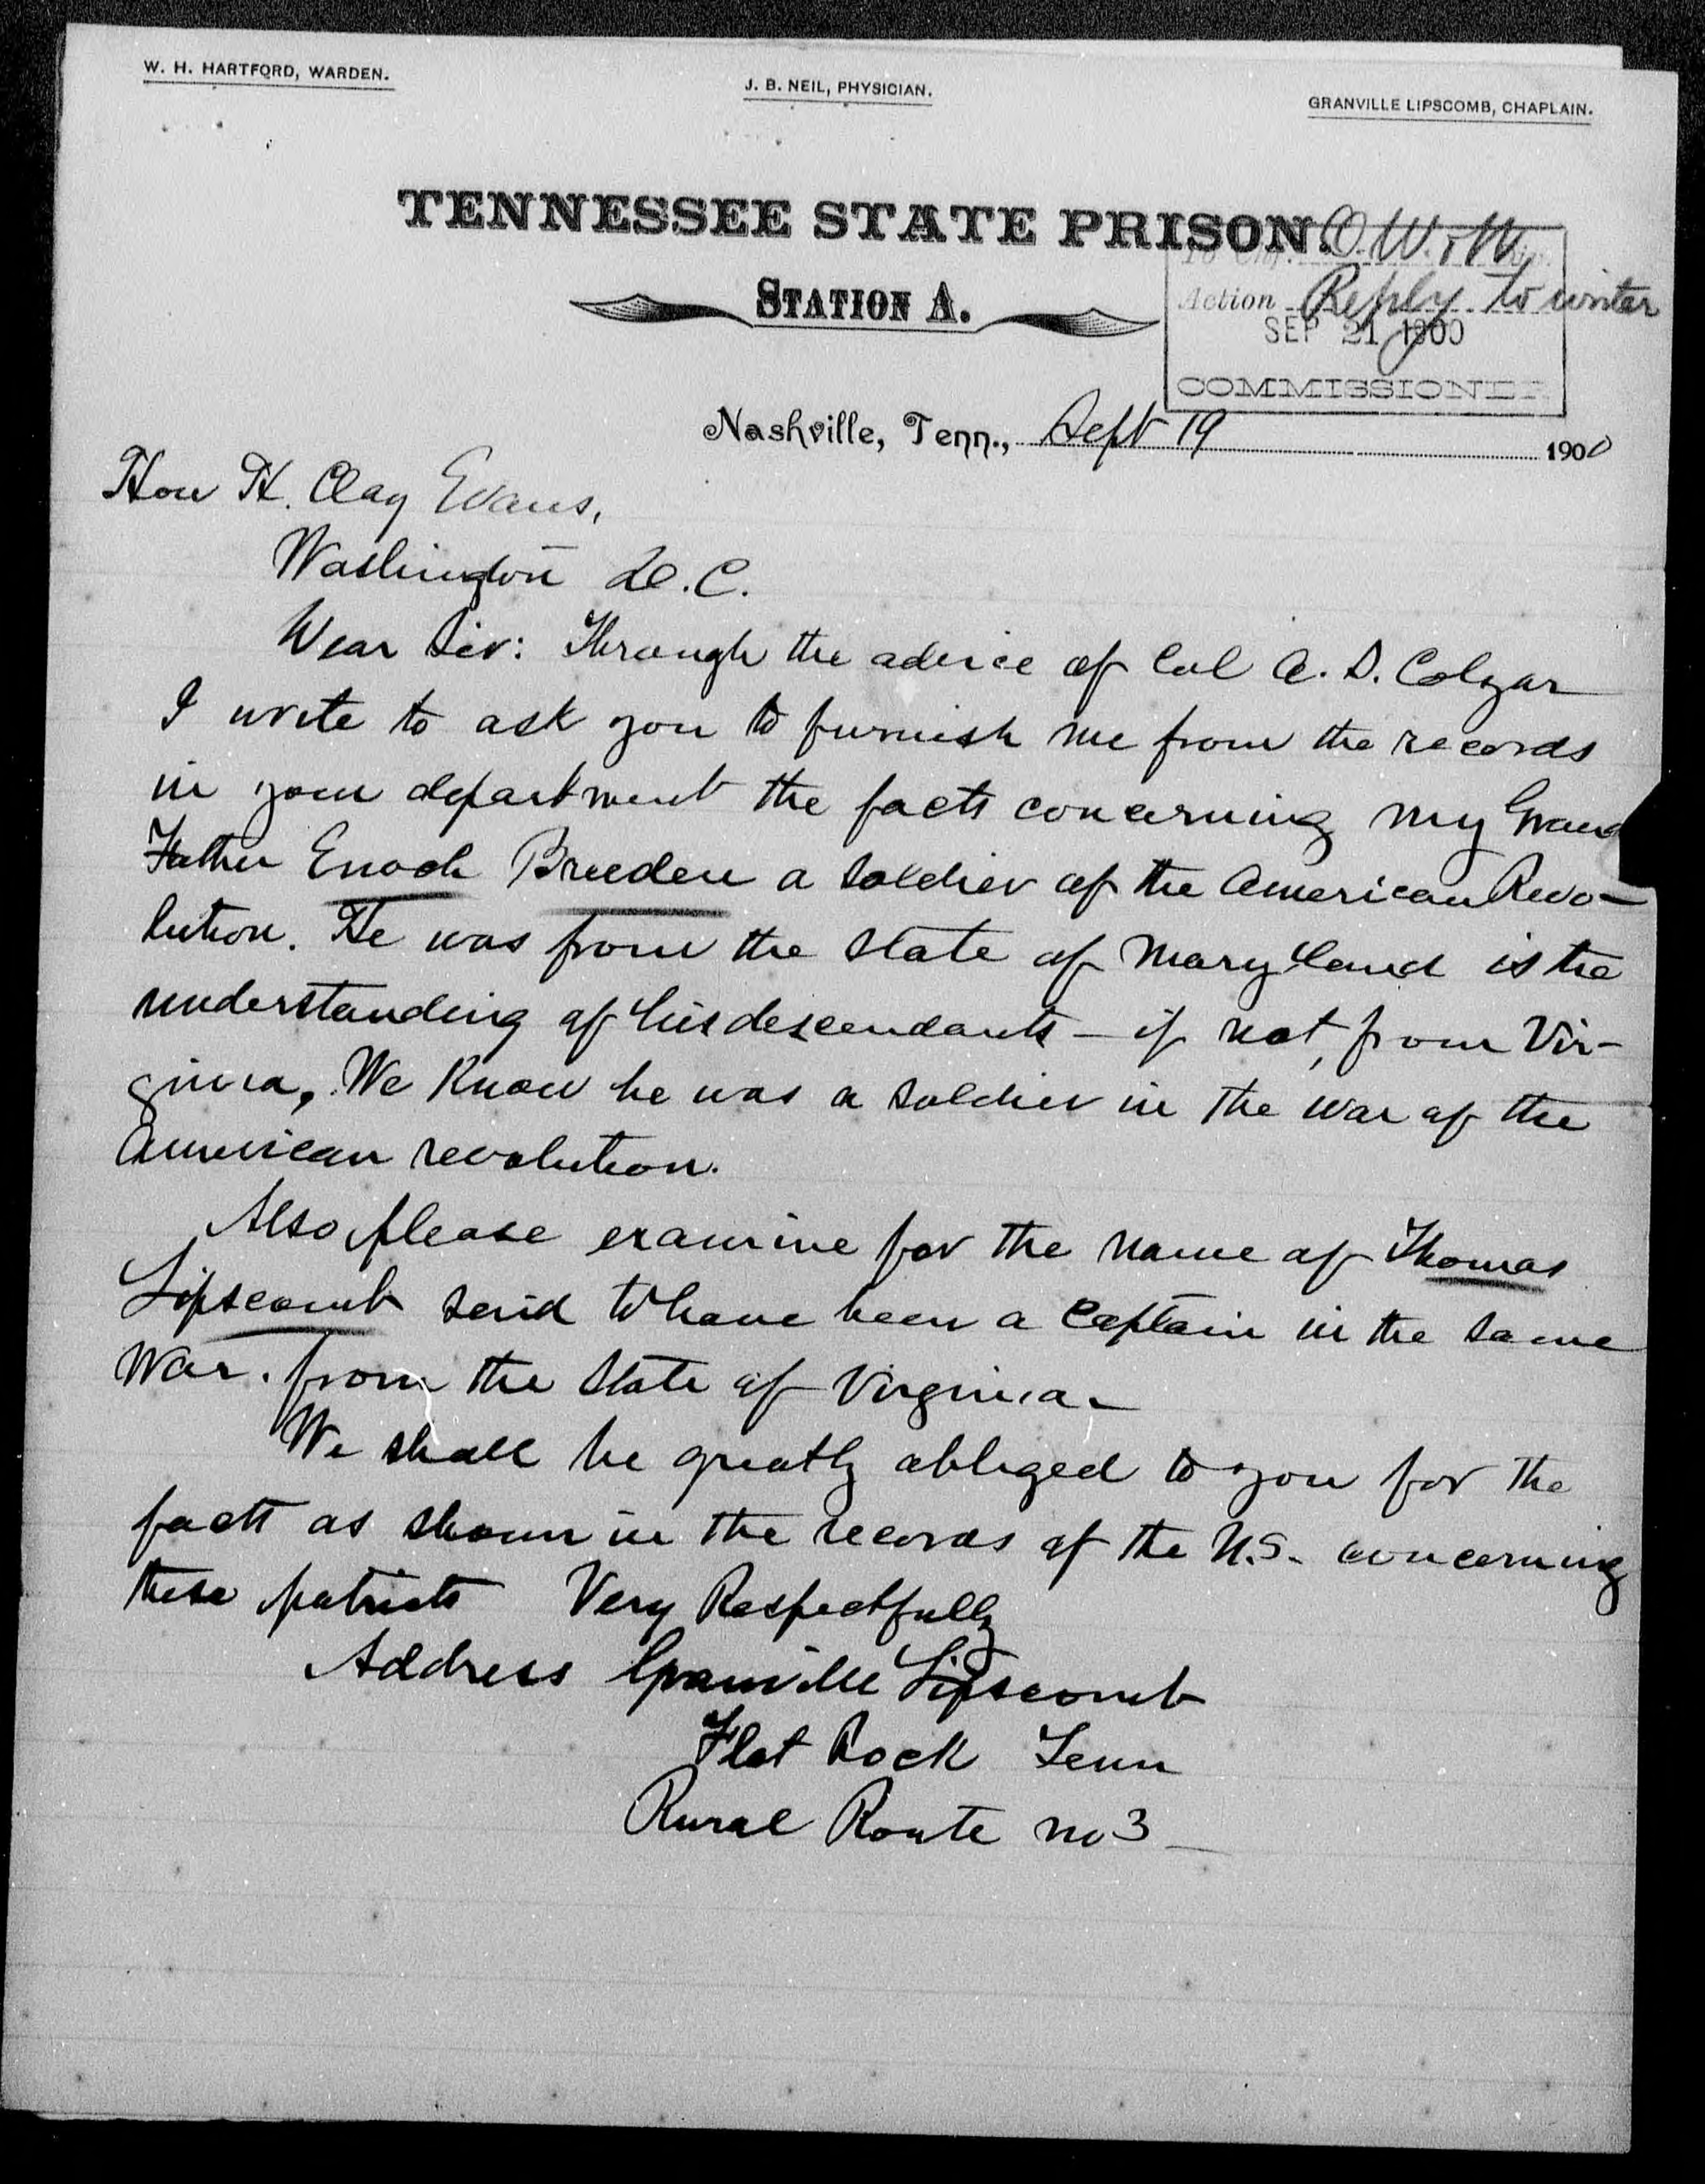W. H. HARTFORD, WARDEN. 
J. B. NEIL, PHYSICIAN. 
GRANVILLE LIPSCOMB, CHAPLAIN. 

TENNESSEE STATE PRISON 
STATION A.

Action Reply to writer
SEP 21 1900 
COMMISSIONER

Nashville, Tenn. Sept 19 1900

Hon H. Clay Evans,
Washington D.C. 
Dear Sir: Through the advice of Col A. S. Colgar I write to ask you to furnish me from the records in your department the facts concerning my Grand Father Enoch Breeden a Soldier of the American Revo lution. He was from the State of Maryland is the understanding of his descendants - if not from Virginia , we know he was a soldier in the war of the American Revolution.

Also please examine for the name of Thomas Lipscomb said to have been a Captain in the same War from the State of Virginia. 

We shall be greatly obliged to you for the facts as shown in the records of the U.S. concerning these patriots Very Respectfully Address Granville Lipscomb 
Flat Rock Tenn 
Rural Route No 3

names: Enoch Breeden, Granville Lipscomb, Thomas Lipscomb, H Clay Evans, A S Colzar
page: 25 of 27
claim: survivor's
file: S. 1747, Enoch Breeden, Va.